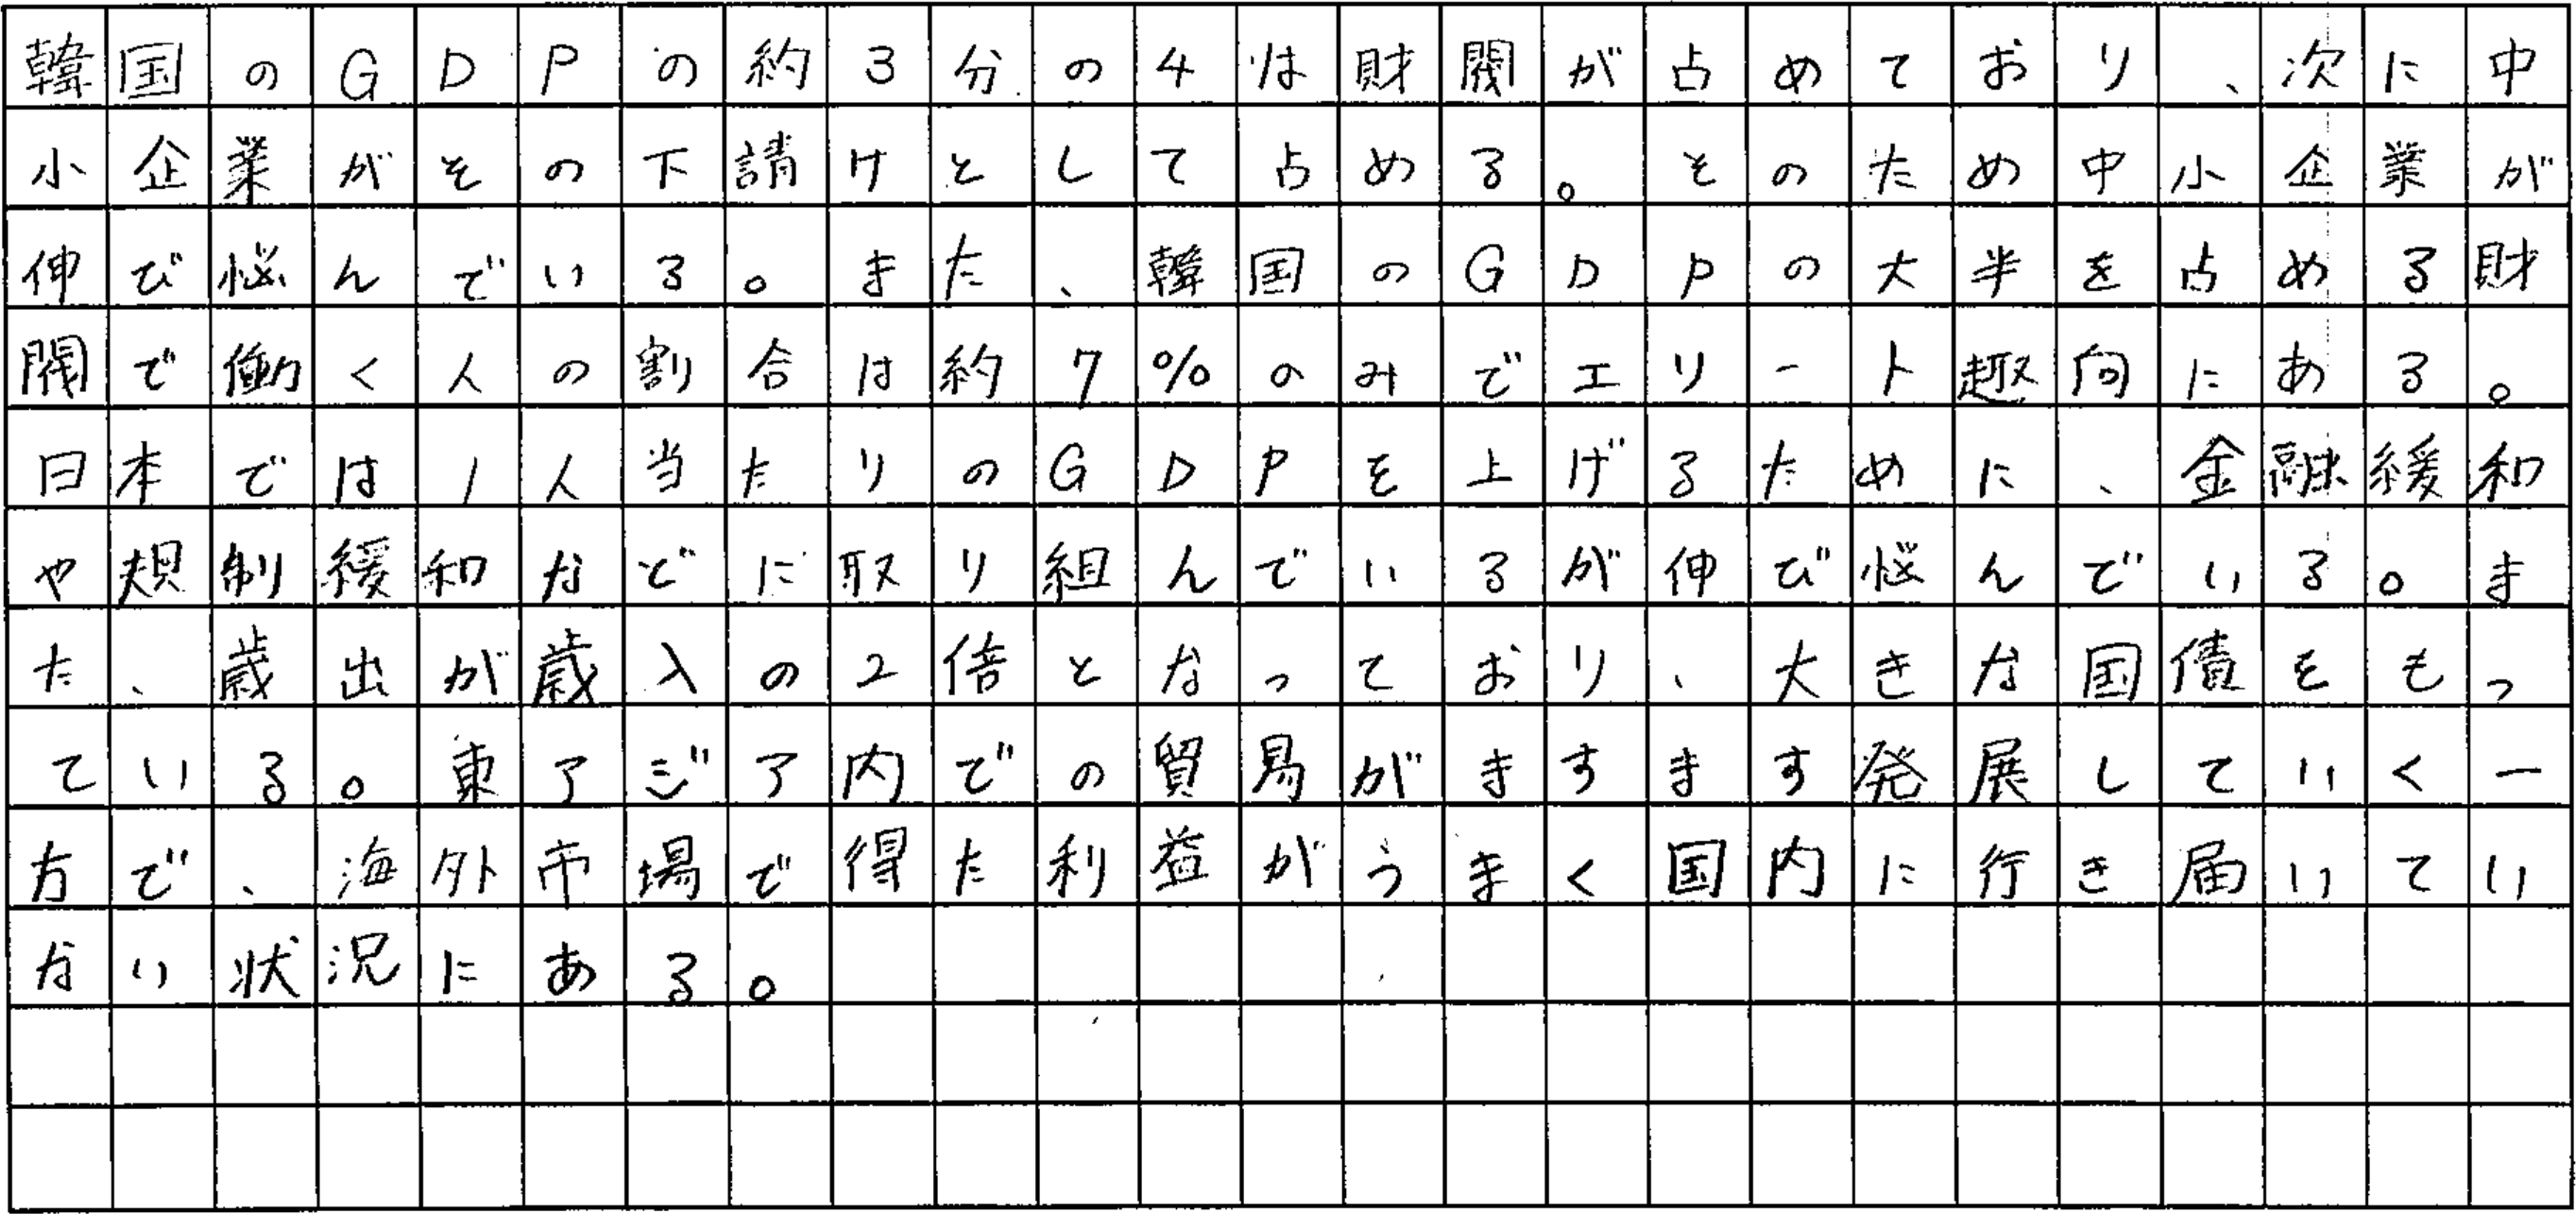韓国のＧＤＰの約３分の４は財閥が占めており、次に中小企業がその下請けとして占める。そのため中小企業が伸び悩んでいる。また、韓国のＧＤＰの大半を占める財閥で働く人の割合は約７％のみでエリート趣向にある。日本では１人当たりのＧＤＰを上げるために、金融緩和や規制緩和などに取り組んでいるが伸び悩んでいる。また、歳出が歳入の２倍となっており、大きな国債をもっている。東アジア内での貿易がますます発展していく一方で、海外市場で得た利益がうまく国内に行き届いていない状況にある。
